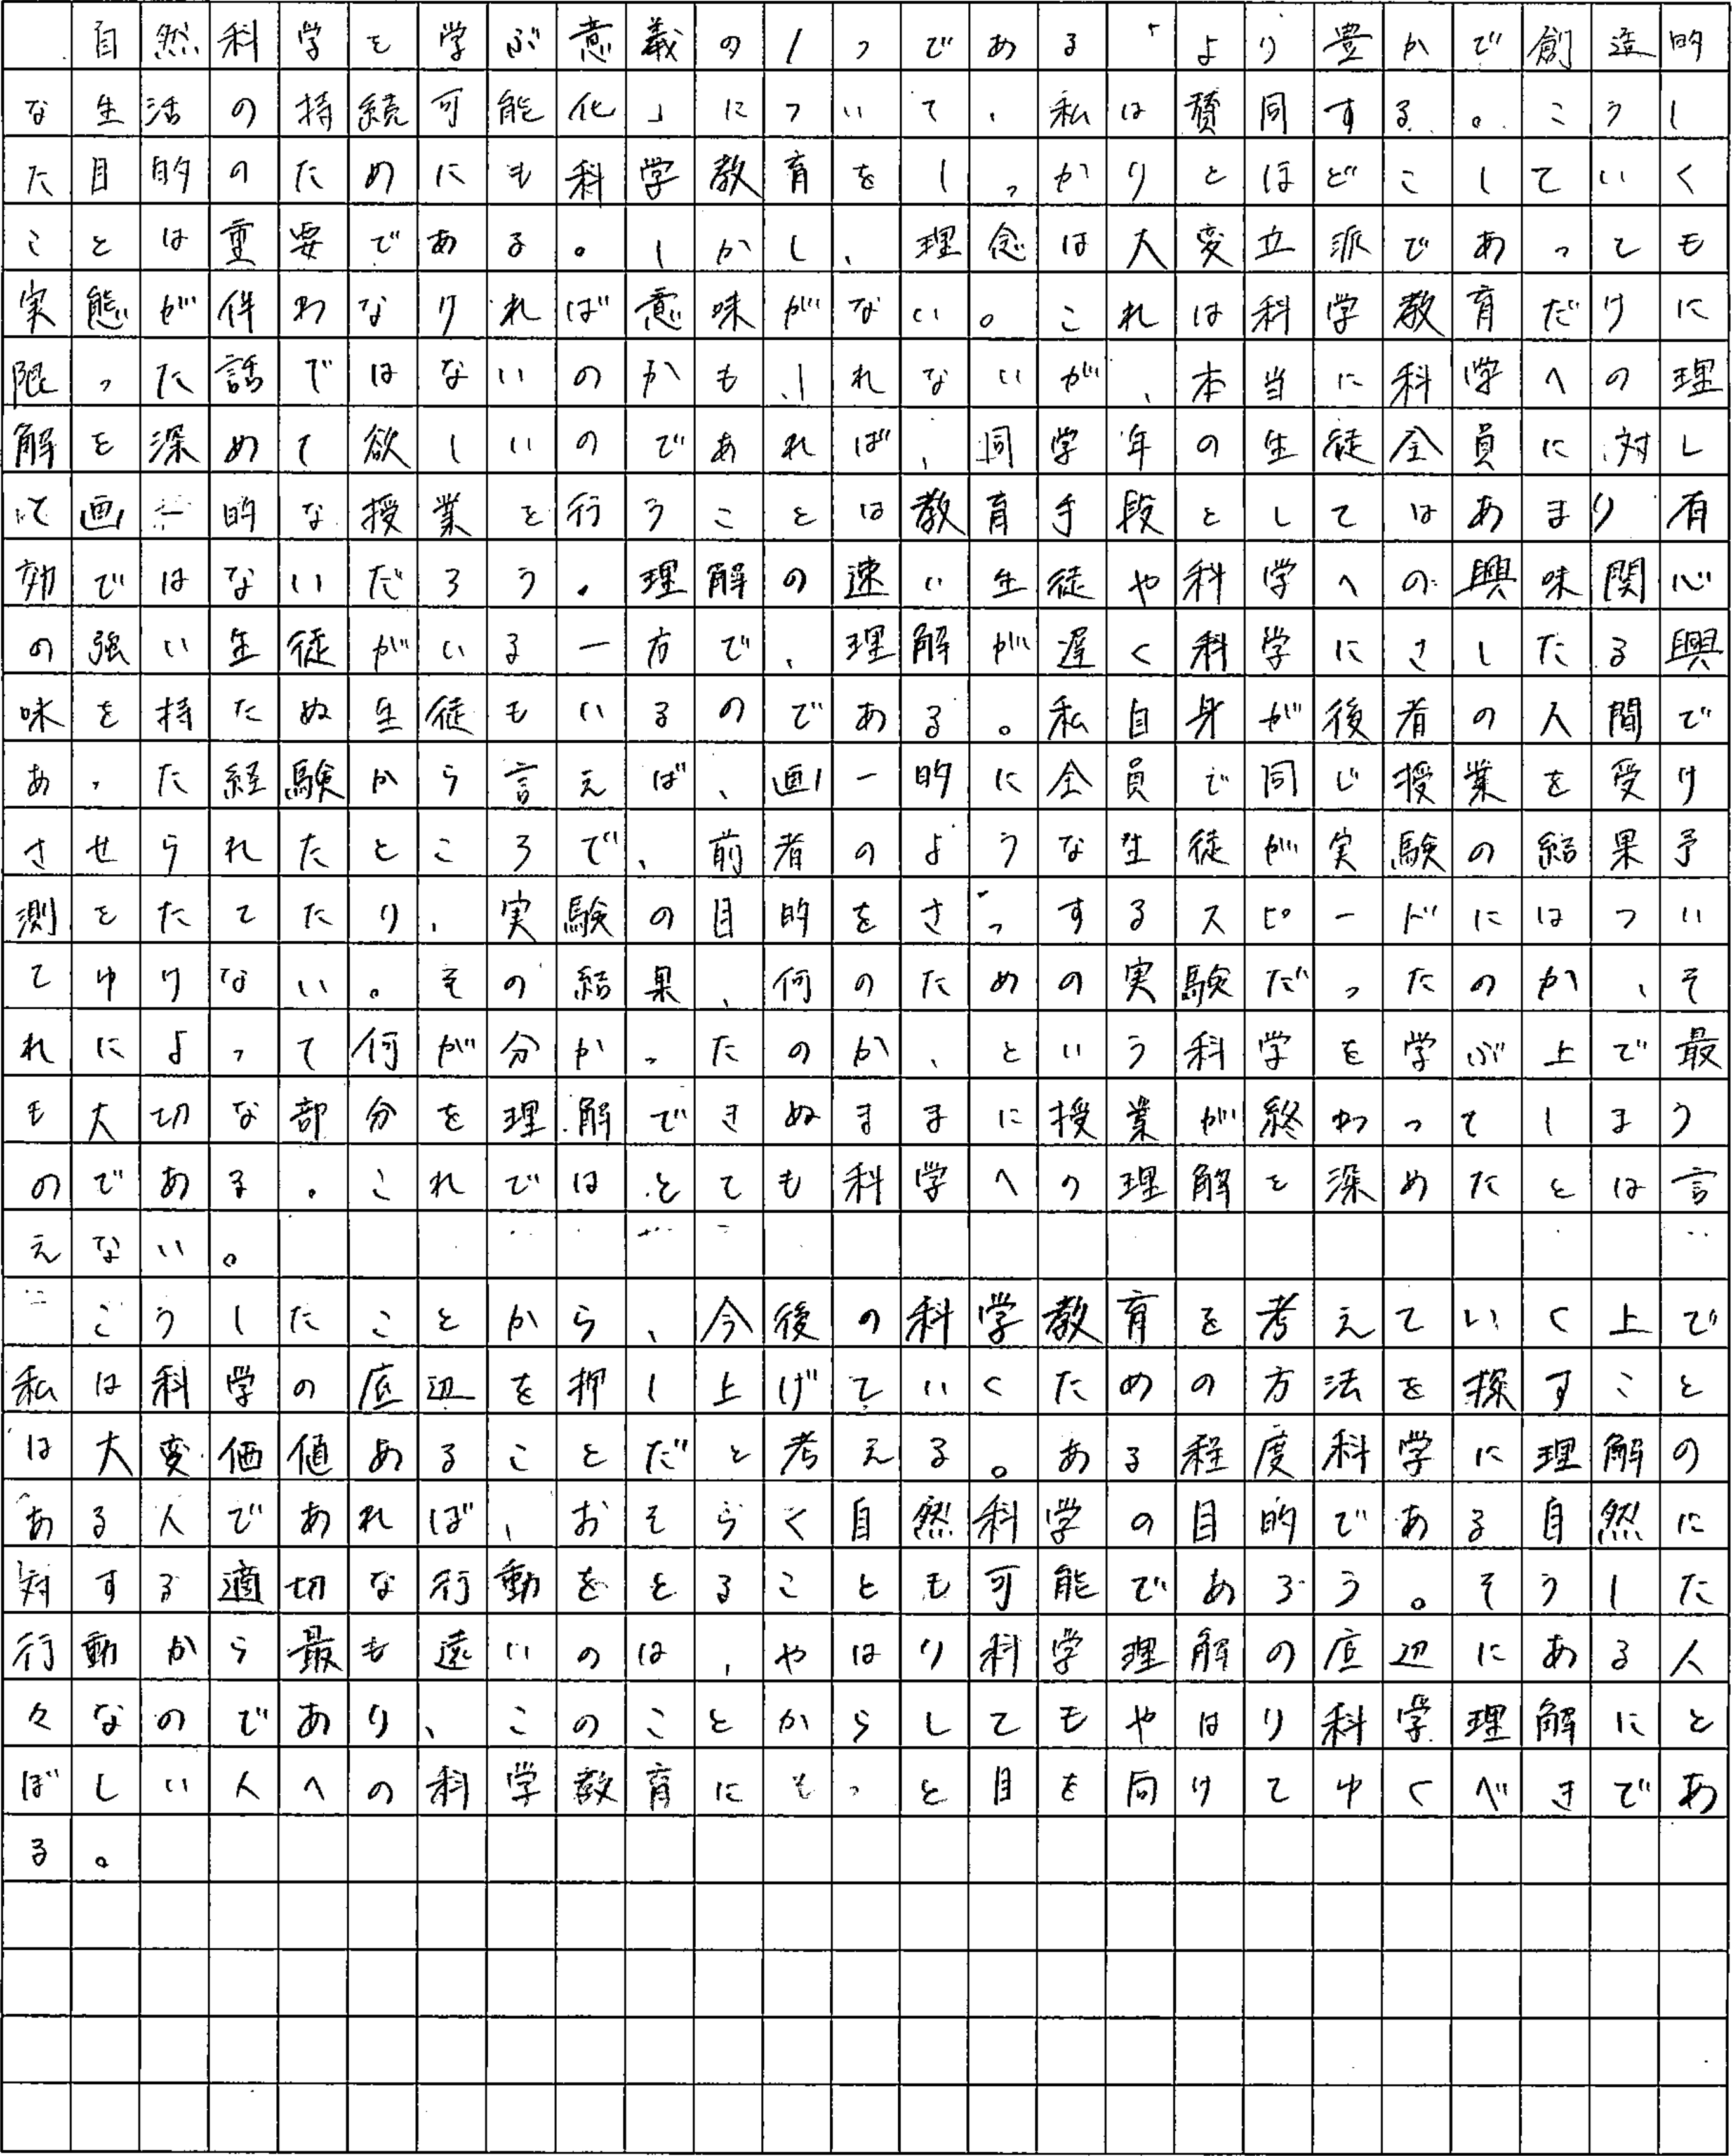　自然科学を学ぶ意義の１つである「より豊かで創造的な生活の持続可能化」について、私は賛同する。こうした目的のためにも科学教育をしっかりとほどこしていくことは重要である。しかし、理念は大変立派であっても実態が伴わなければ意味がない。これは科学教育にだけに限った話ではないのかもしれないが、本当に科学への理解を深めて欲しいのであれば、同学年の生徒全員に対して画一的な授業を行うことは教育手段としてあまり有効ではないだろう。理解の速い生徒や科学への興味関心の強い生徒がいる一方で、理解が遅く科学にさしたる興味を持たぬ生徒もいるのである。私自身が校舎の人間であった経験から言えば、画一的に全員で同じ授業を受けさせられたところで、前者のような生徒が実験の結果予測をたてたり、実験の目的をさっするスピードにはついてゆけない。その結果、何のための実験だったのか、それによって何が分かったのか、という科学を学ぶ上で最も大切な部分を理解できぬままに授業が終わってしまうのである。これではとても科学への理解を深めたとは言えない。
　こうしたことから、今後の科学教育を考えていく上で私は科学の底辺を押し上げていくための方法を探すことは大変価値あることだと考える。ある程度科学に理解のある人であれば、おそらく自然科学の目的である自然に対する適切な行動をとることも可能であろう。そうした行動から最も遠いのは、やはり科学理解の底辺にある人々なのであり、このことからしてもやはり科学理解にとぼしい人への科学教育にもっと目を向けてゆくべきである。
